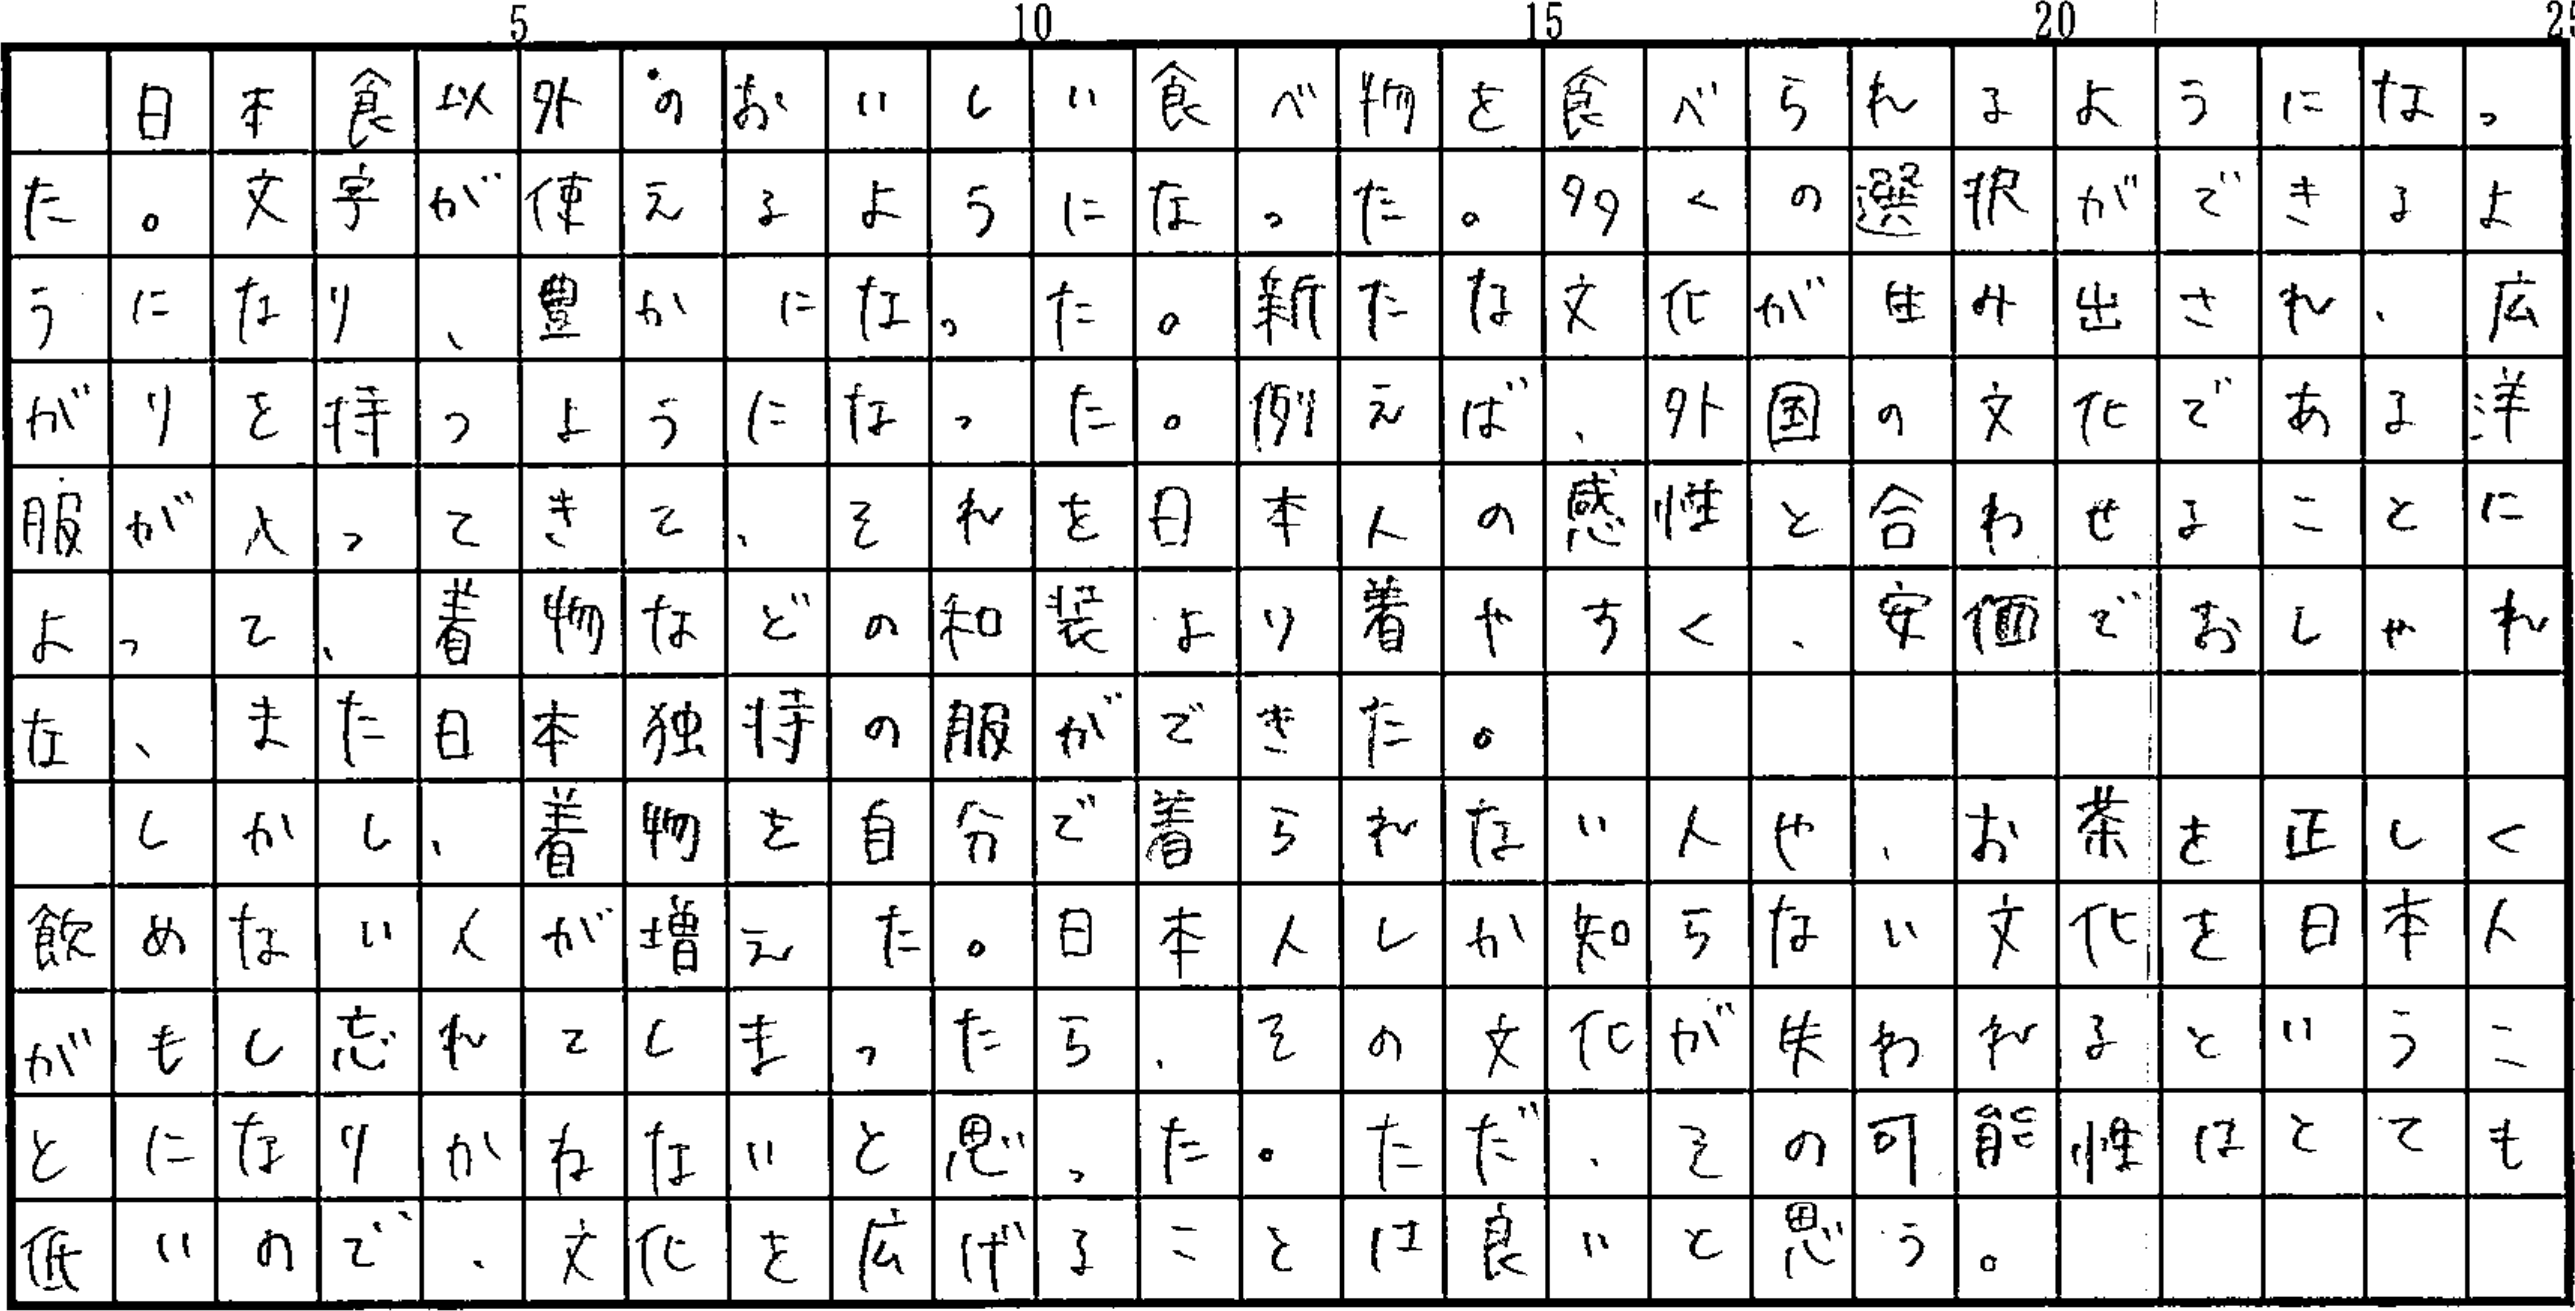　日本食以外のおいしい食べ物を食べられるようになった。文字が使えるようになった。多くの選択ができるようになり、豊かになった。新たな文化が生み出され、広がりを持つようになった。例えば、外国の文化である洋服が入ってきて、それを日本人の感性と合わせることによって、着物などの和装より着やすく、安価でおしゃれな、また日本独特の服ができた。
　しかし、着物を自分で着られない人や、お茶を正しく飲めない人が増えた。日本人しか知らない文化を日本人がもし忘れてしまったら、その文化が失われるということになりかねないと思った。ただ、その可能性はとても低いので、文化を広げることは良いと思う。
